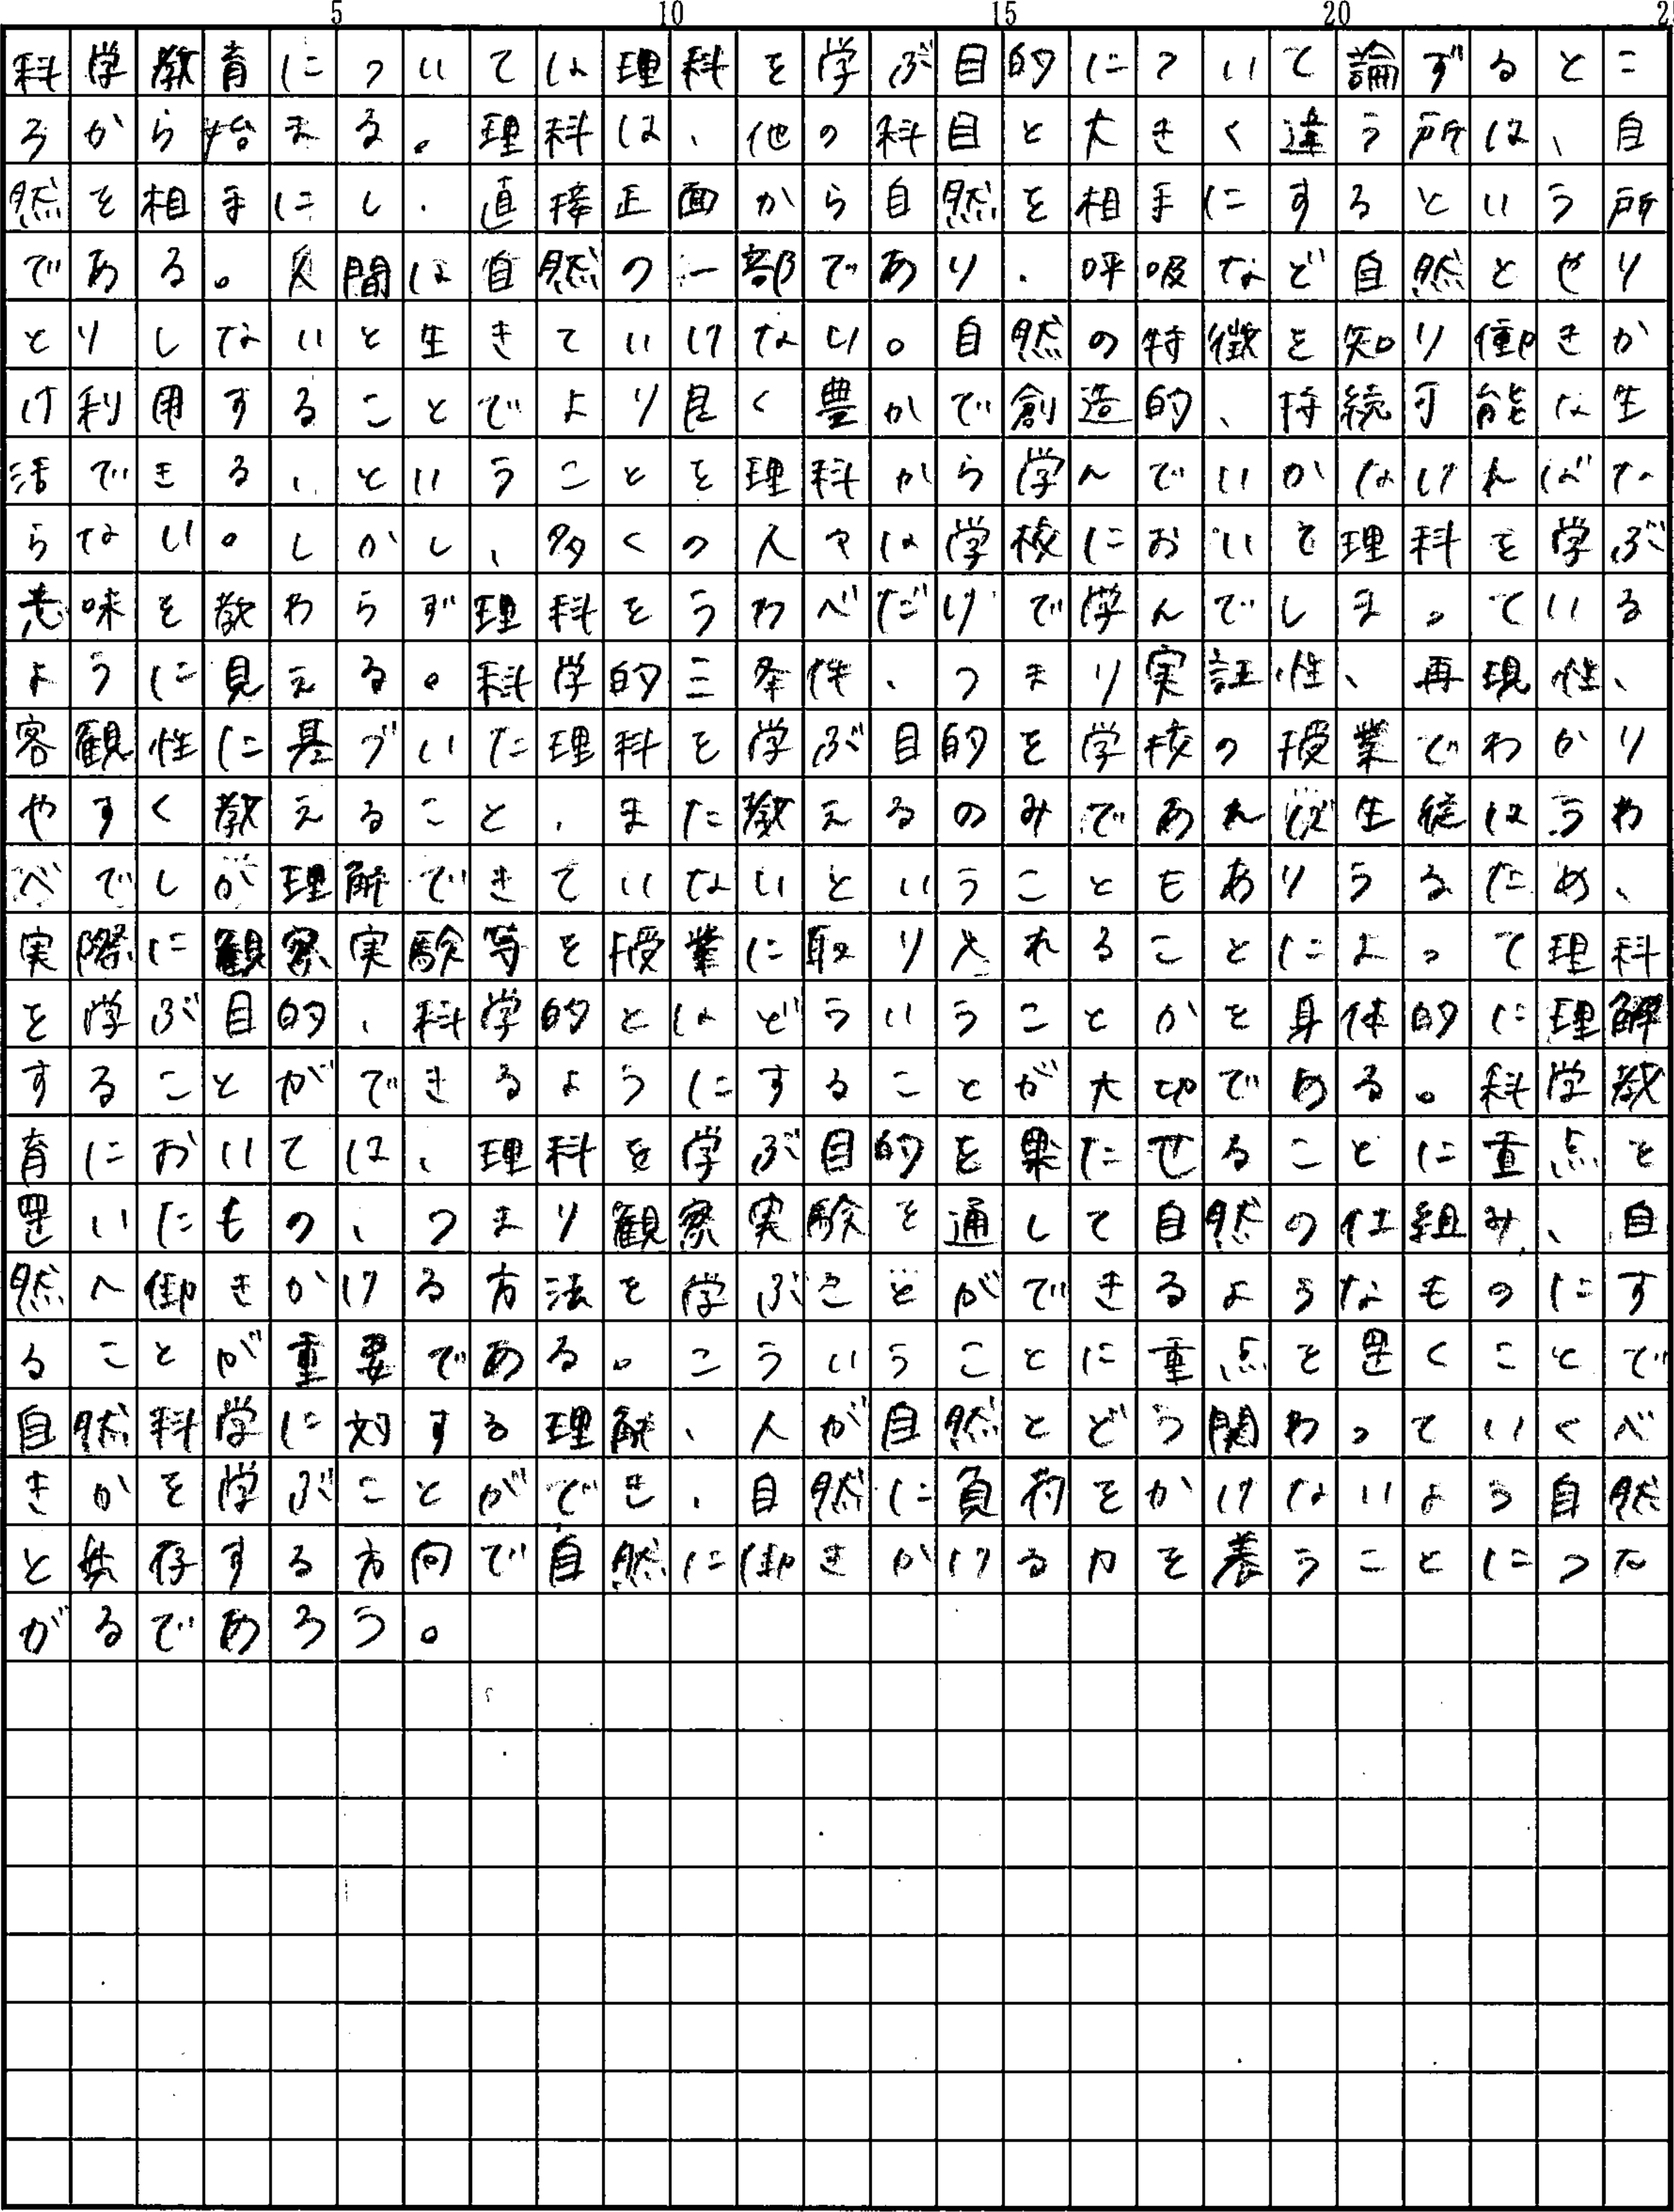科学教育については理科を学ぶ目的について論ずるところから始まる。理科は、他の科目と大きく違う所は、自然を相手にし、直接正面から自然を相手にするという所である。人間は自然の一部であり、呼吸など自然とやりとりしないと生きていけない。自然の特徴を知り働きかけ利用することでより良く豊かで創造的、持続可能な生活できる、ということを理科から学んでいかなければならない。しかし、多くの人々は学校において理科を学ぶ意味を教わらず理科をうわべだけで学んでしまっているように見える。科学的三条件、つまり実証性、再現性、客観性に基づいた理科を学ぶ目的を学校の授業でわかりやすく教えること、また教えるのみであれば生徒はうわべでしか理解できていないということもありうるため、実際に観察実験等を授業に取り入れることによって理科を学ぶ目的、科学的とはどういうことかを身体的に理解することができるようにすることが大切である。科学教育においては、理科を学ぶ目的を果たせることに重点を置いたもの、つまり観察実験を通して自然の仕組み、自然へ働きかける方法を学ぶことができるようなものにすることが重要である。こういうことに重点を置くことで自然科学に対する理解・人が自然とどう関わっていくべきかを学ぶことができ、自然に負荷をかけないよう自然と共存する方向で自然に働きかける力を養うことにつながるであろう。
